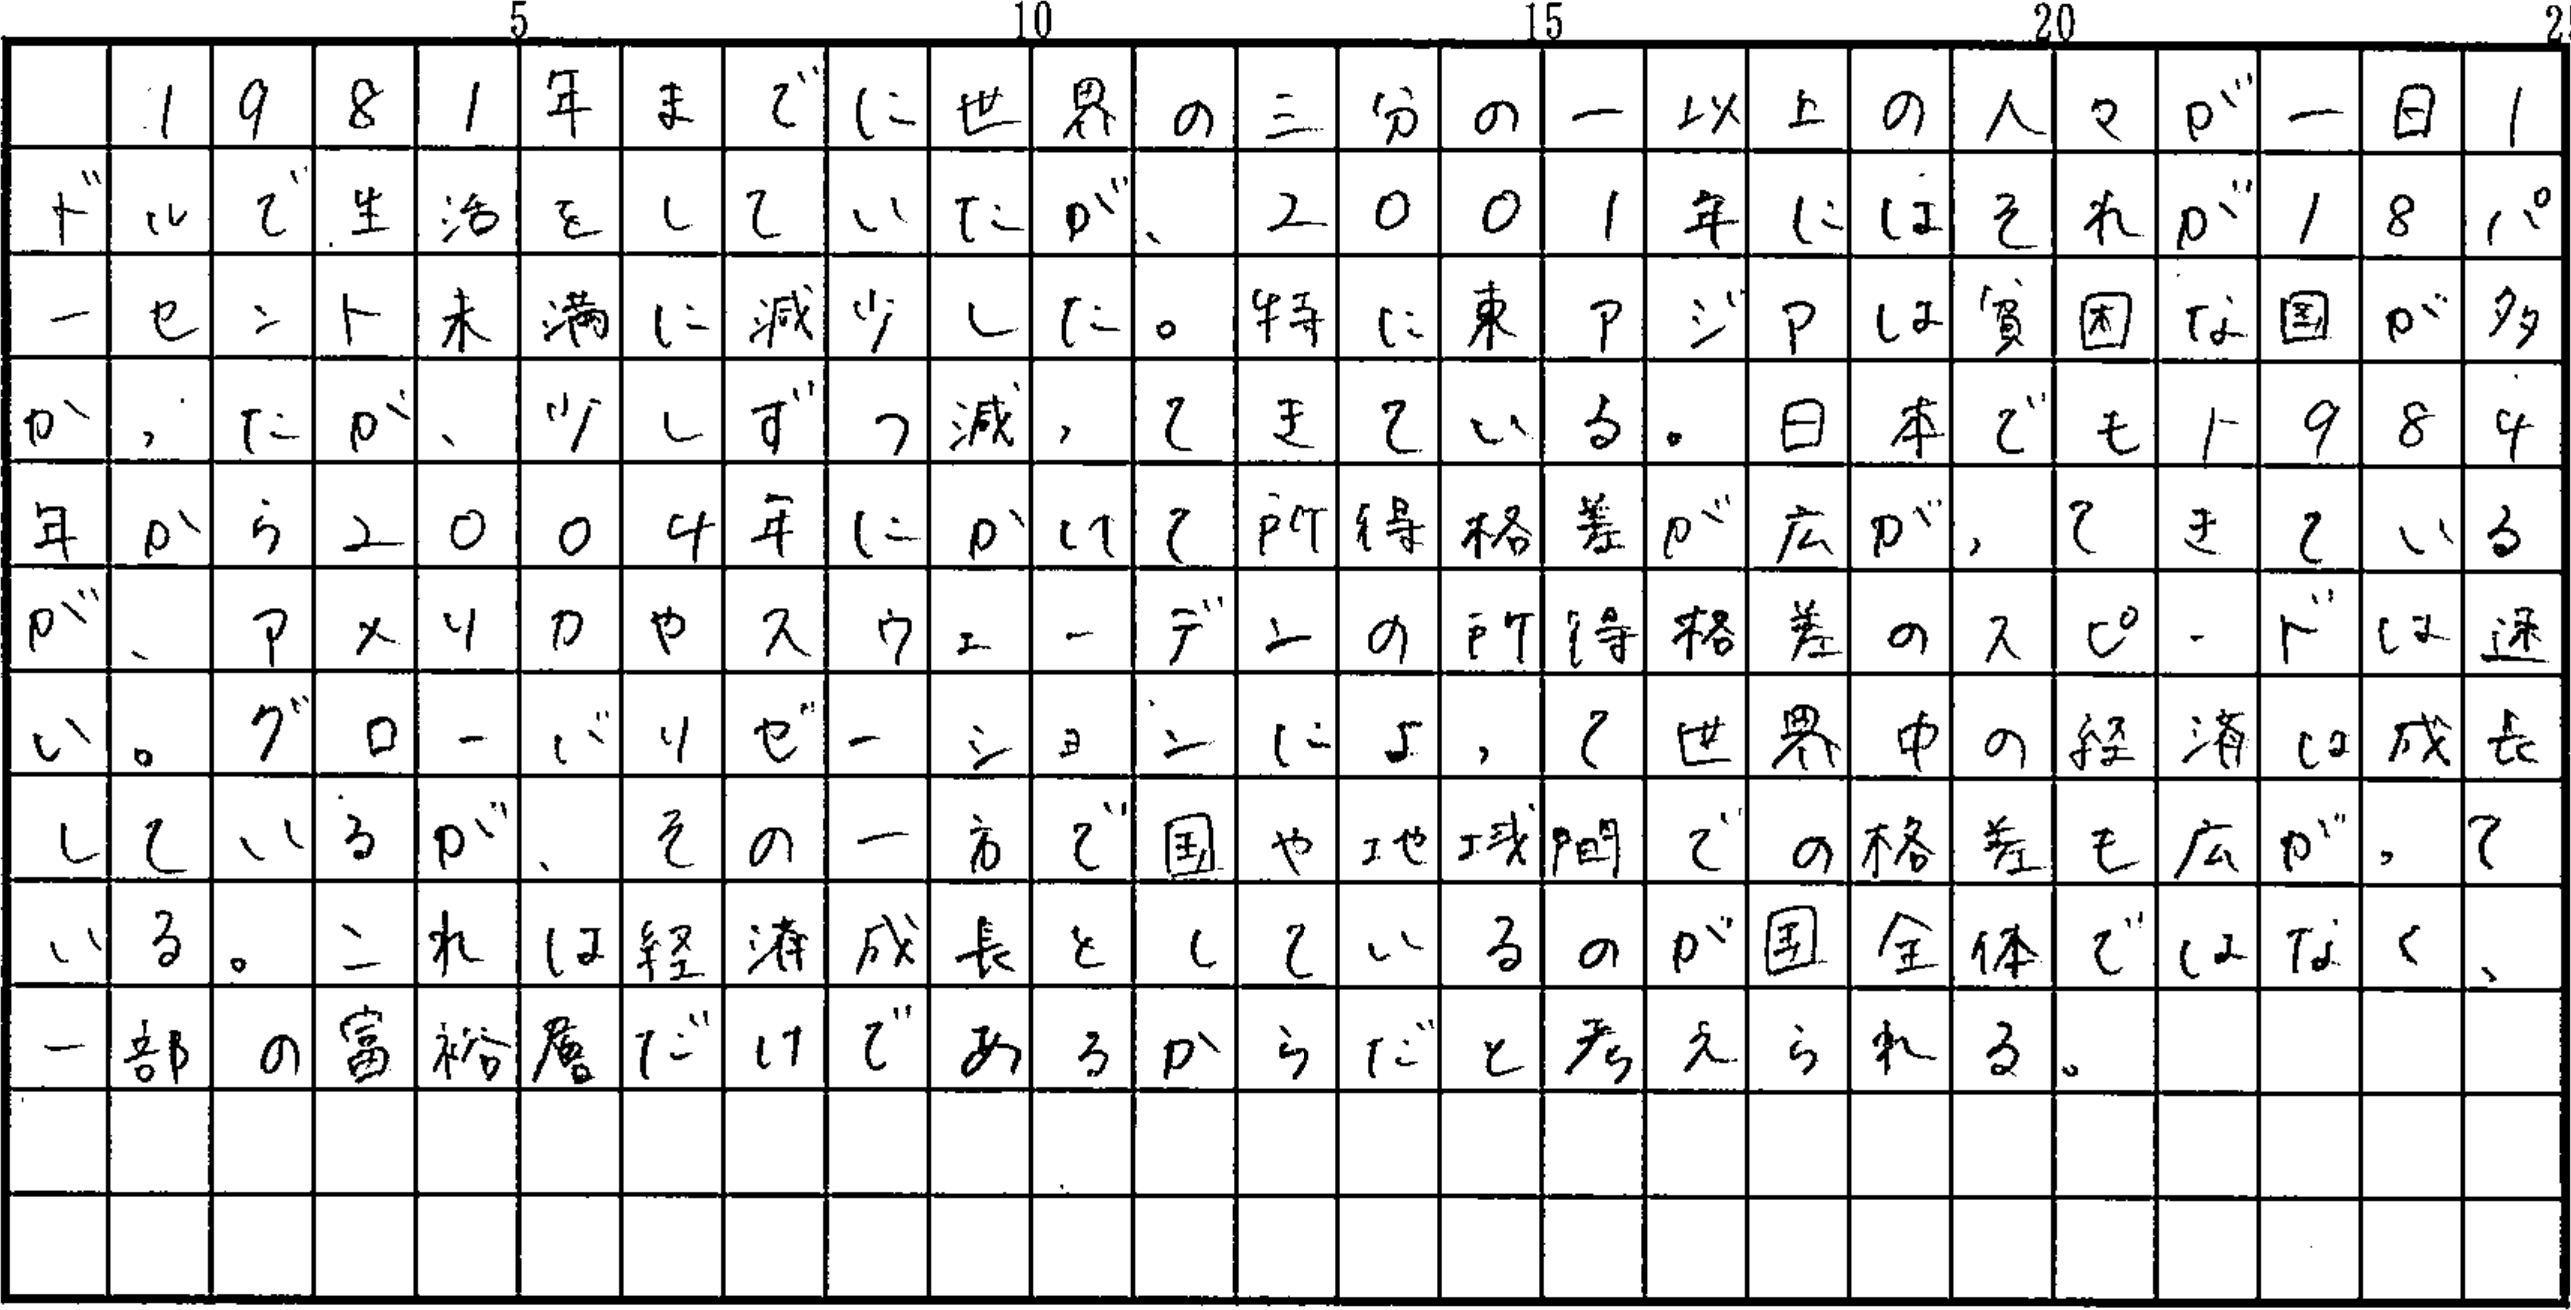　１９８１年までに世界の三分の一以上の人々が一日１ドルで生活をしていたが、２００１年にはそれが１８パーセント未満に減少した。特に東アジアは貧困な国が多かったが、少しずつ減ってきている。日本でも１９８４年から２００４年にかけて所得格差が広がってきているが、アメリカやスウェーデンの所得格差のスピードは速い。グローバリゼーションによって世界中の経済は成長しているが、その一方で国や地域間での格差も広がっている。これは経済成長をしているのが国全体ではなく、一部の富裕層だけであるからだと考えられる。
